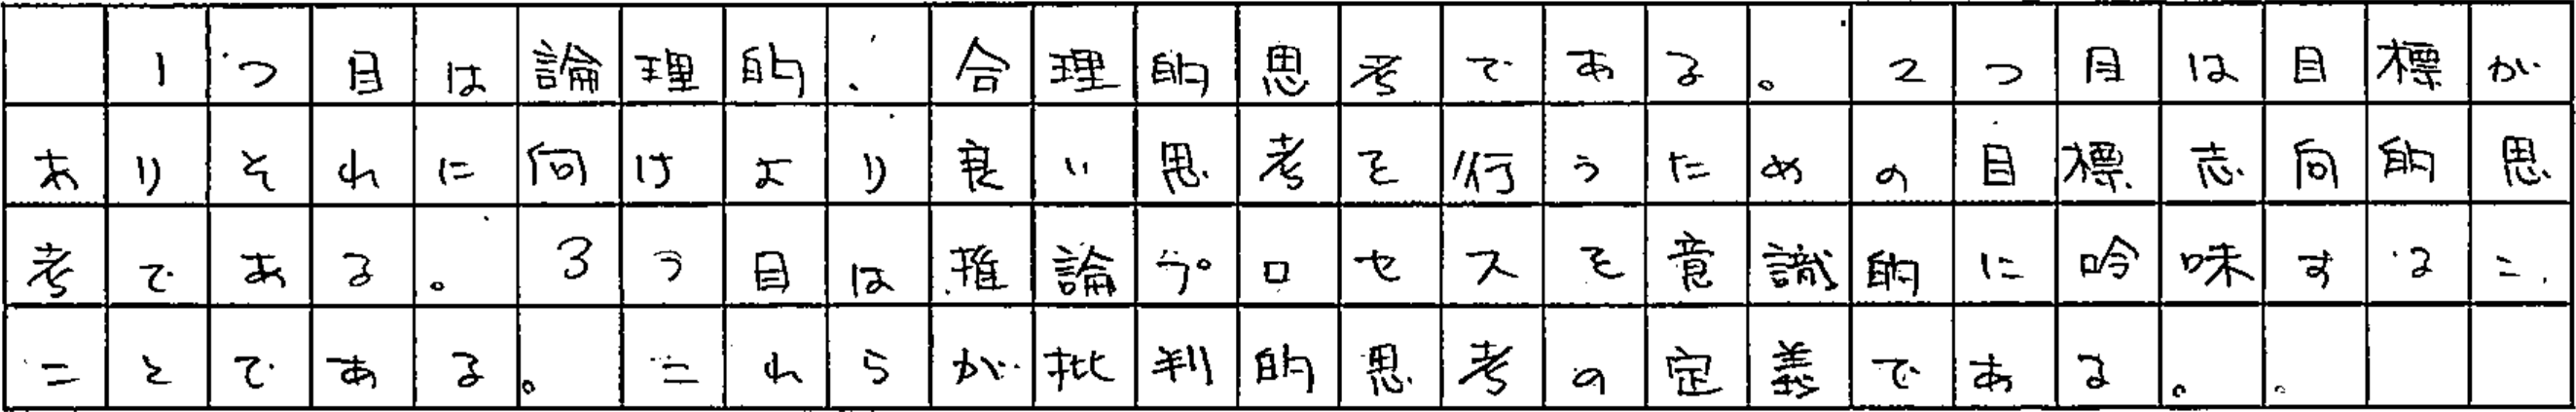　１つ目は論理的、合理的思考である。２つ目は目標がありそれに向けより良い思考を行うための目標志向的思考である。３つ目は推論プロセスを意識的に吟味するこことである。これらが批判的思考の定義である。
